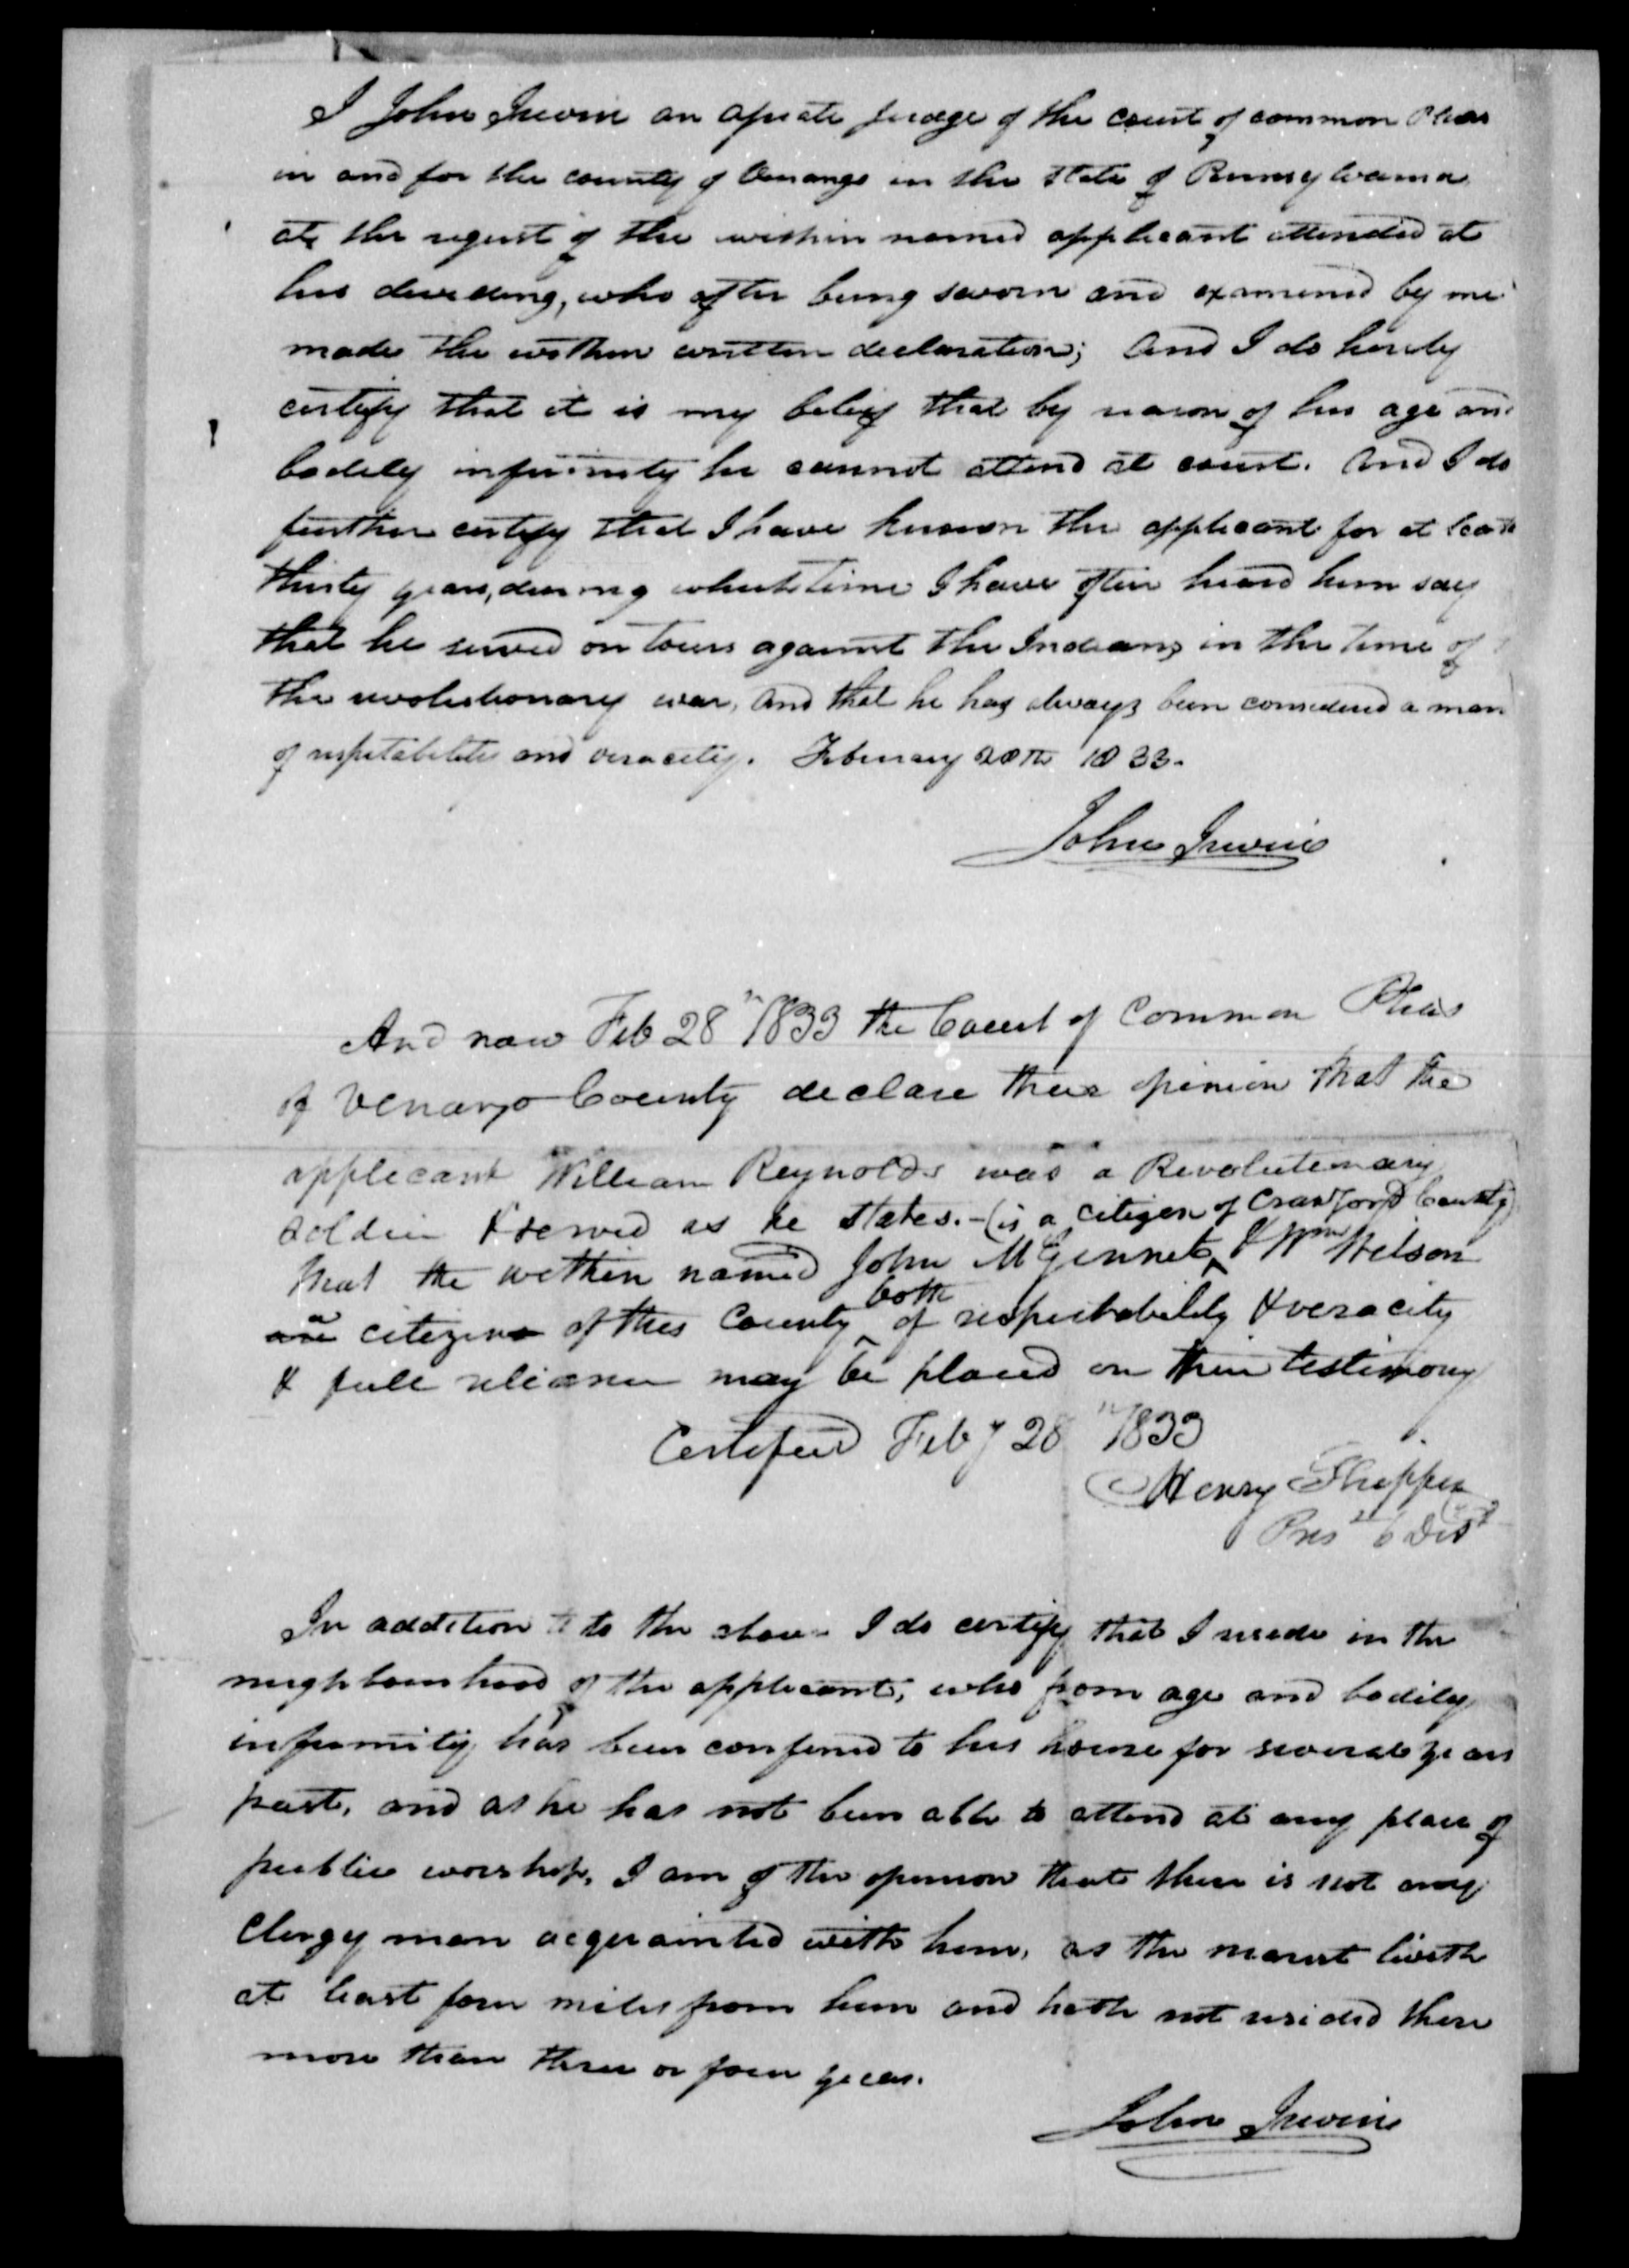I John Irvin an associate Judge of the Court of Common Pleas
in and for the County of Venango in the State of Pennsylvania
at the request of the within named applicant attended at
his discerning, who after being sworn and examined by me
made the within written declaration; And I do hereby
certify that it is my belief that by reason of his age and
bodily infirmity he cannot attend at court. And I do
further certify that I have know the applicant for at least
thirty years, during which time I have often heard him say
that he served on tours against the Indians in the time of
the revolutionary war, and that he has always been considered a man
of respectability and veracity. February 20th 1833
John Irwin
And now Feb 28th 1833 the Court of Common Pleas
of Venango County declare their opinion that the
applicant William Reynolds was a Revolutionary
soldier & served as he states, is a citizen of Crawford County
that the within named John Minnett & Wm Wilson,
a citizen of this County both of respectability & veracity
& full reliance may be placed on the testimony.
Certified Feby 28
1833
Henry Shipper
Pres  6 Dist
In addition to the above I do certify
that I reside in the
neighborhood of the applicant, who from age and bodily
infirmity has been confined to his home for several years
past, and as he has not been able to attend at any place of
public worship, I am of the opinion that there is not any
Clergyman acquainted with him, as the nearest liveth
at least four miles from him and hath not resided there
more than three or four years.
John Irvin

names: William Reynolds; John Irwin; John Irwin; John Mc Ginnet; Wm Wilson; John Irwin; Henry Shippen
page: 6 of 19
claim: survivor's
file: S. 14,273, for William Reynolds, Pennsylvania